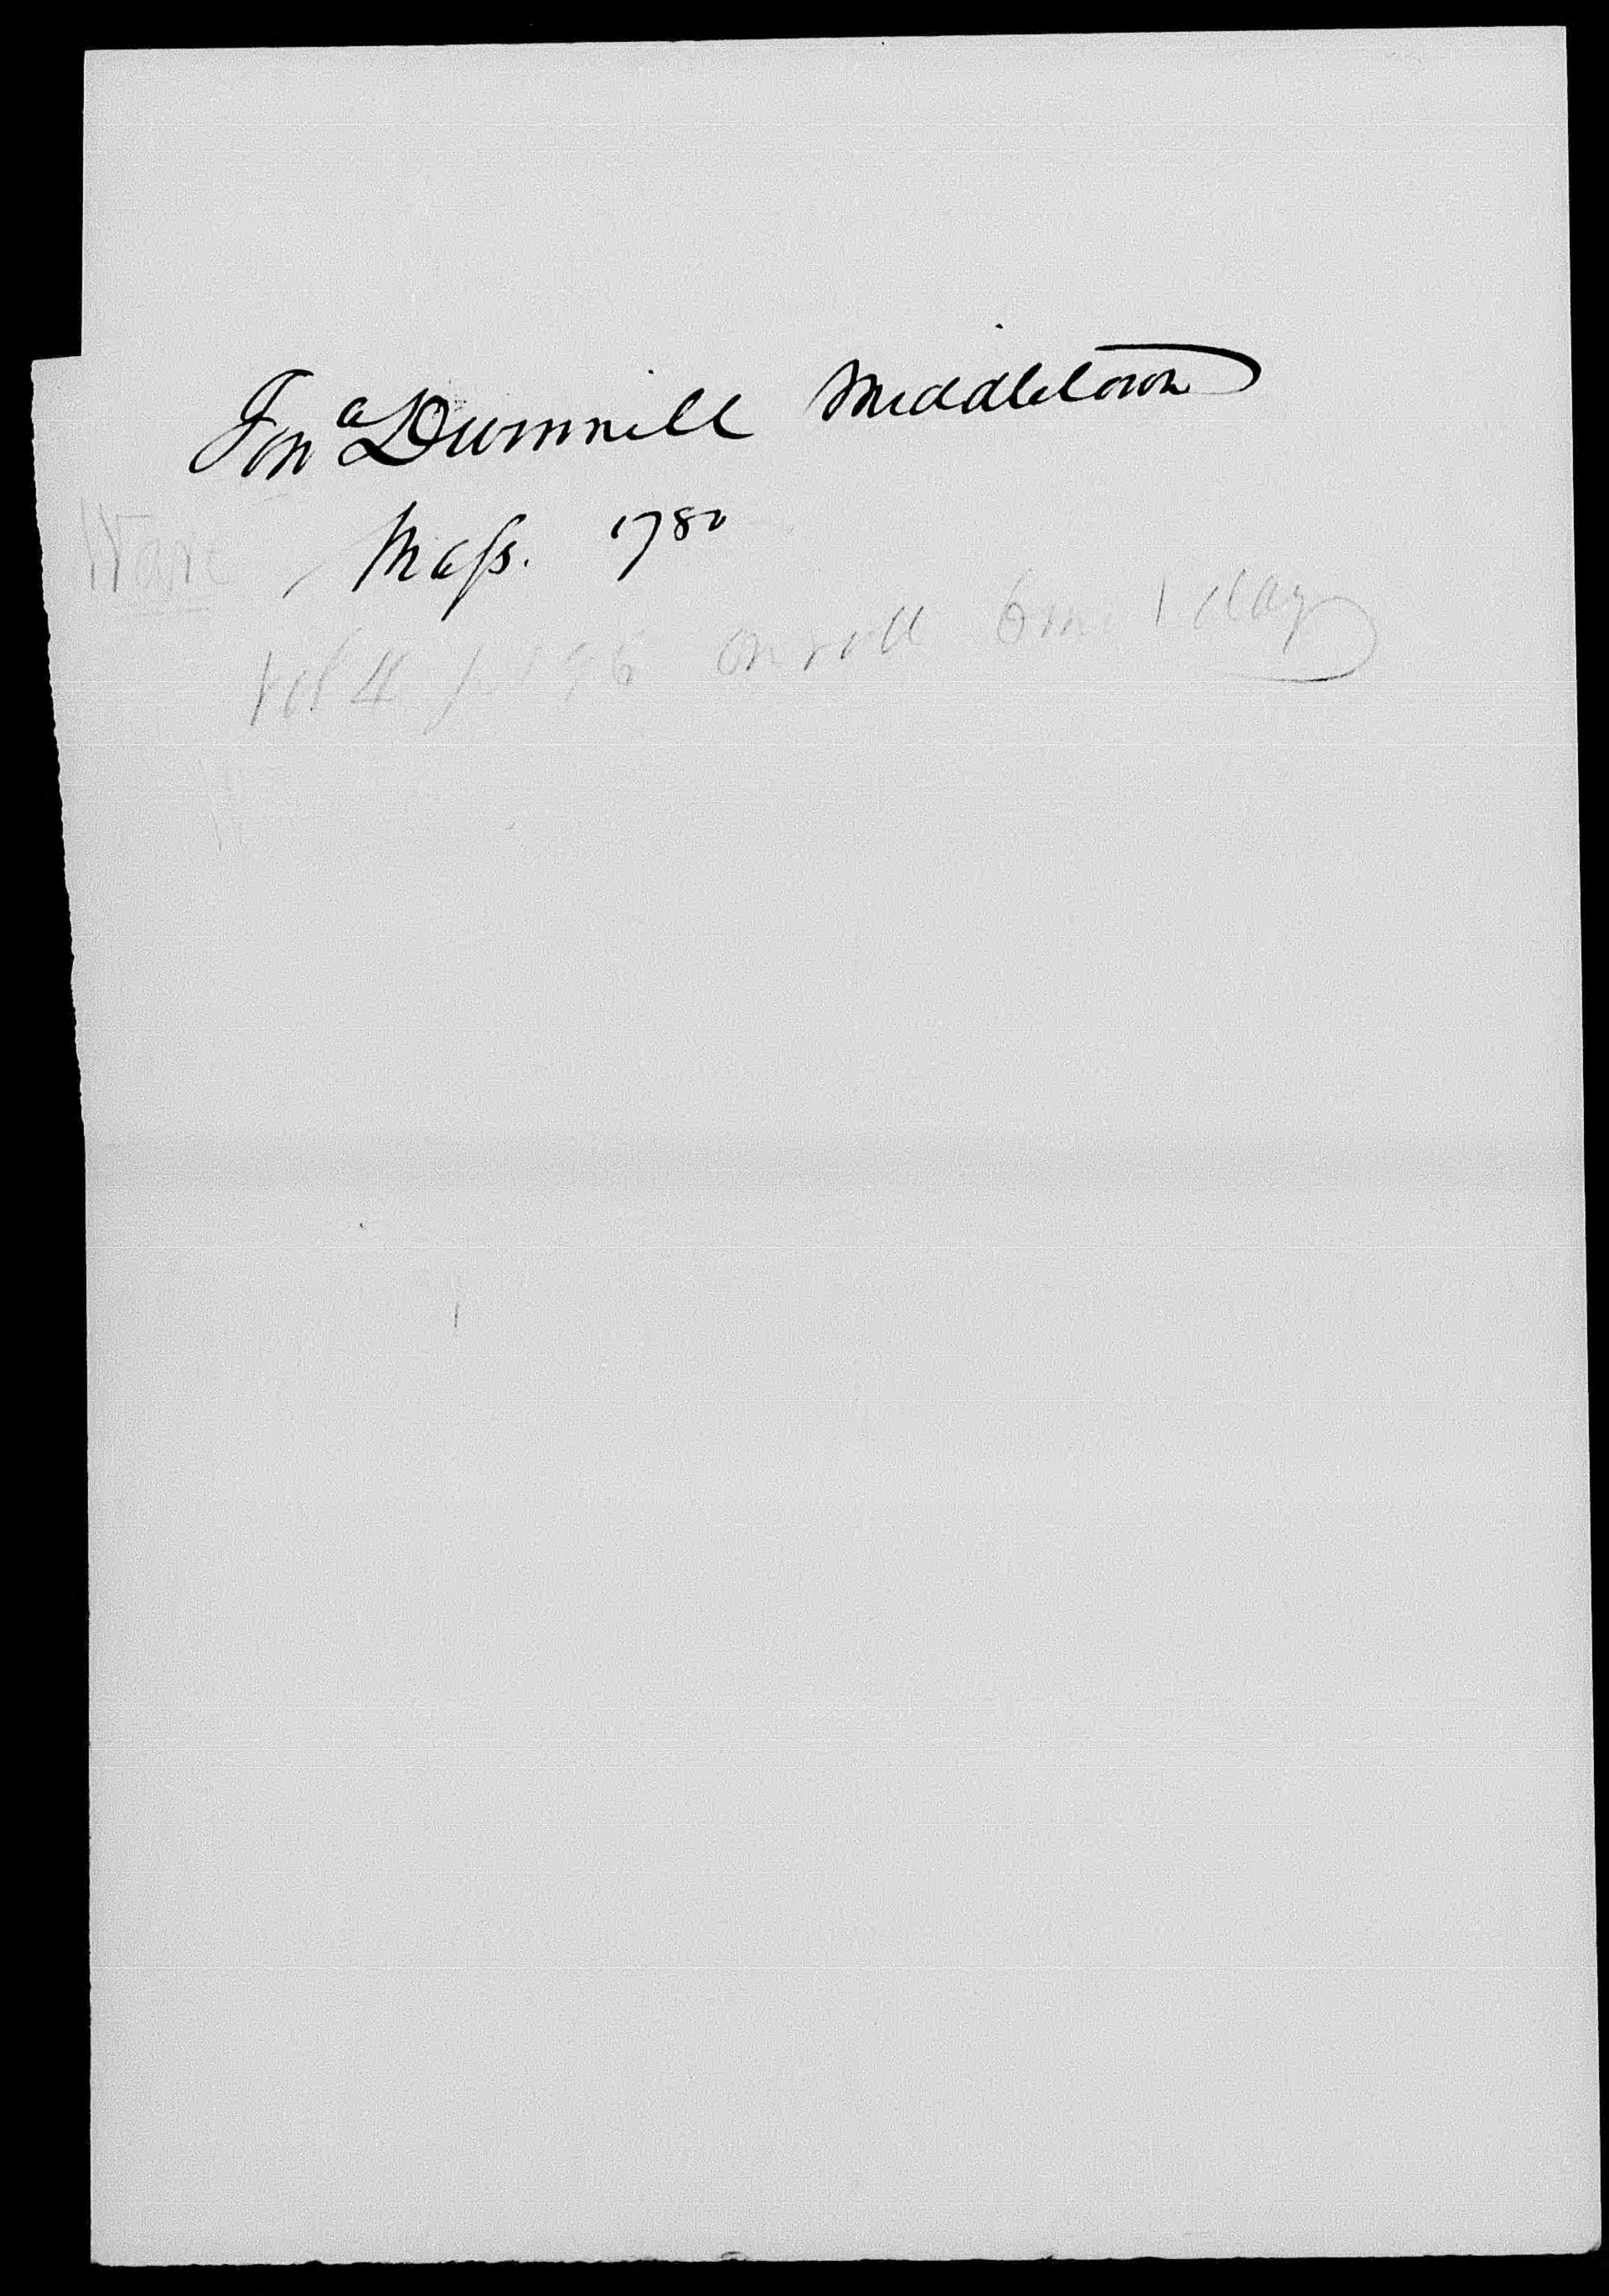Jon Dwinnell Middletown
[illegible] Mass. 1782
Vol 4 p 196 on roll 6m 1 day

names: Jona Dwinnell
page: 9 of 22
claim: widow's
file: W. 22984, John Dwinnell, Mass.